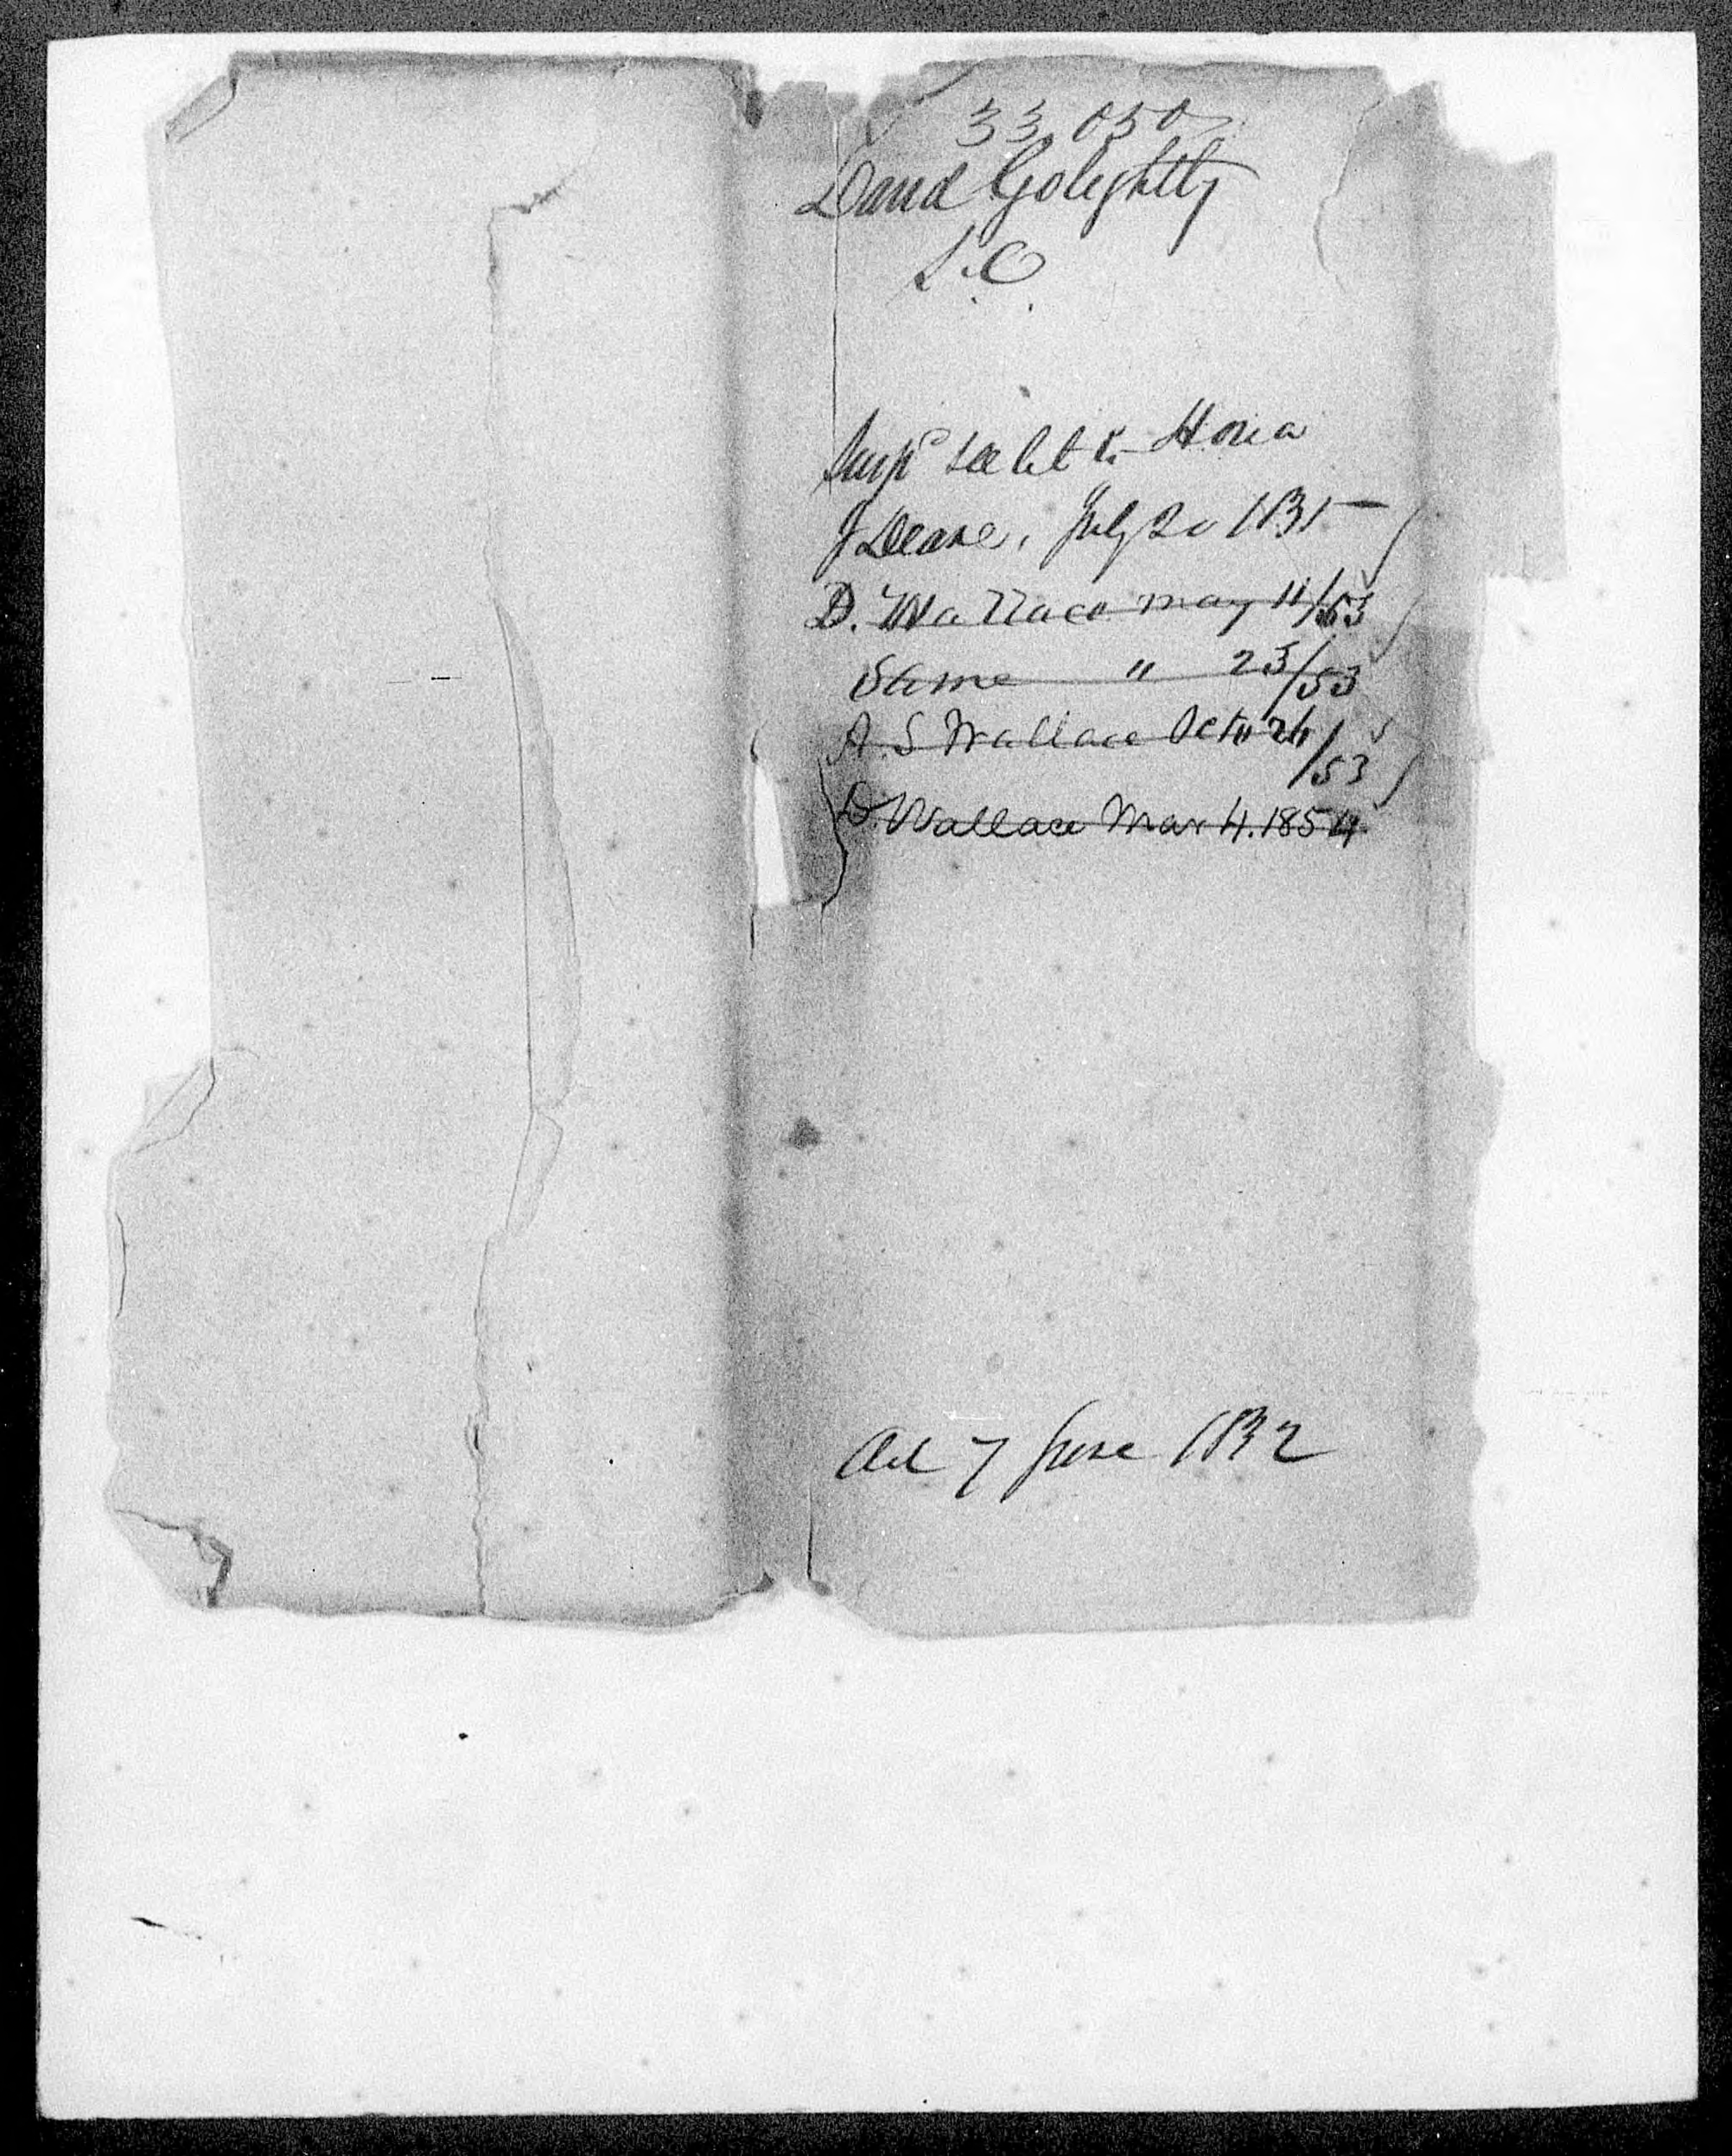33.0507
David Golightly
S.C.

See let to Horia
J Deane, July 20 1831

D Wallace
May 11 /53
Same May 23/53
A.D. Wallace Oct 21/53
D. Wallace Mar 4. 1854

Act 7 June 1832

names: David Golightly, A S Wallace, D Wallace, D Wallace, J Deare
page: 44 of 57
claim: survivor's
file: S. 18888, David Golightly, S.C.